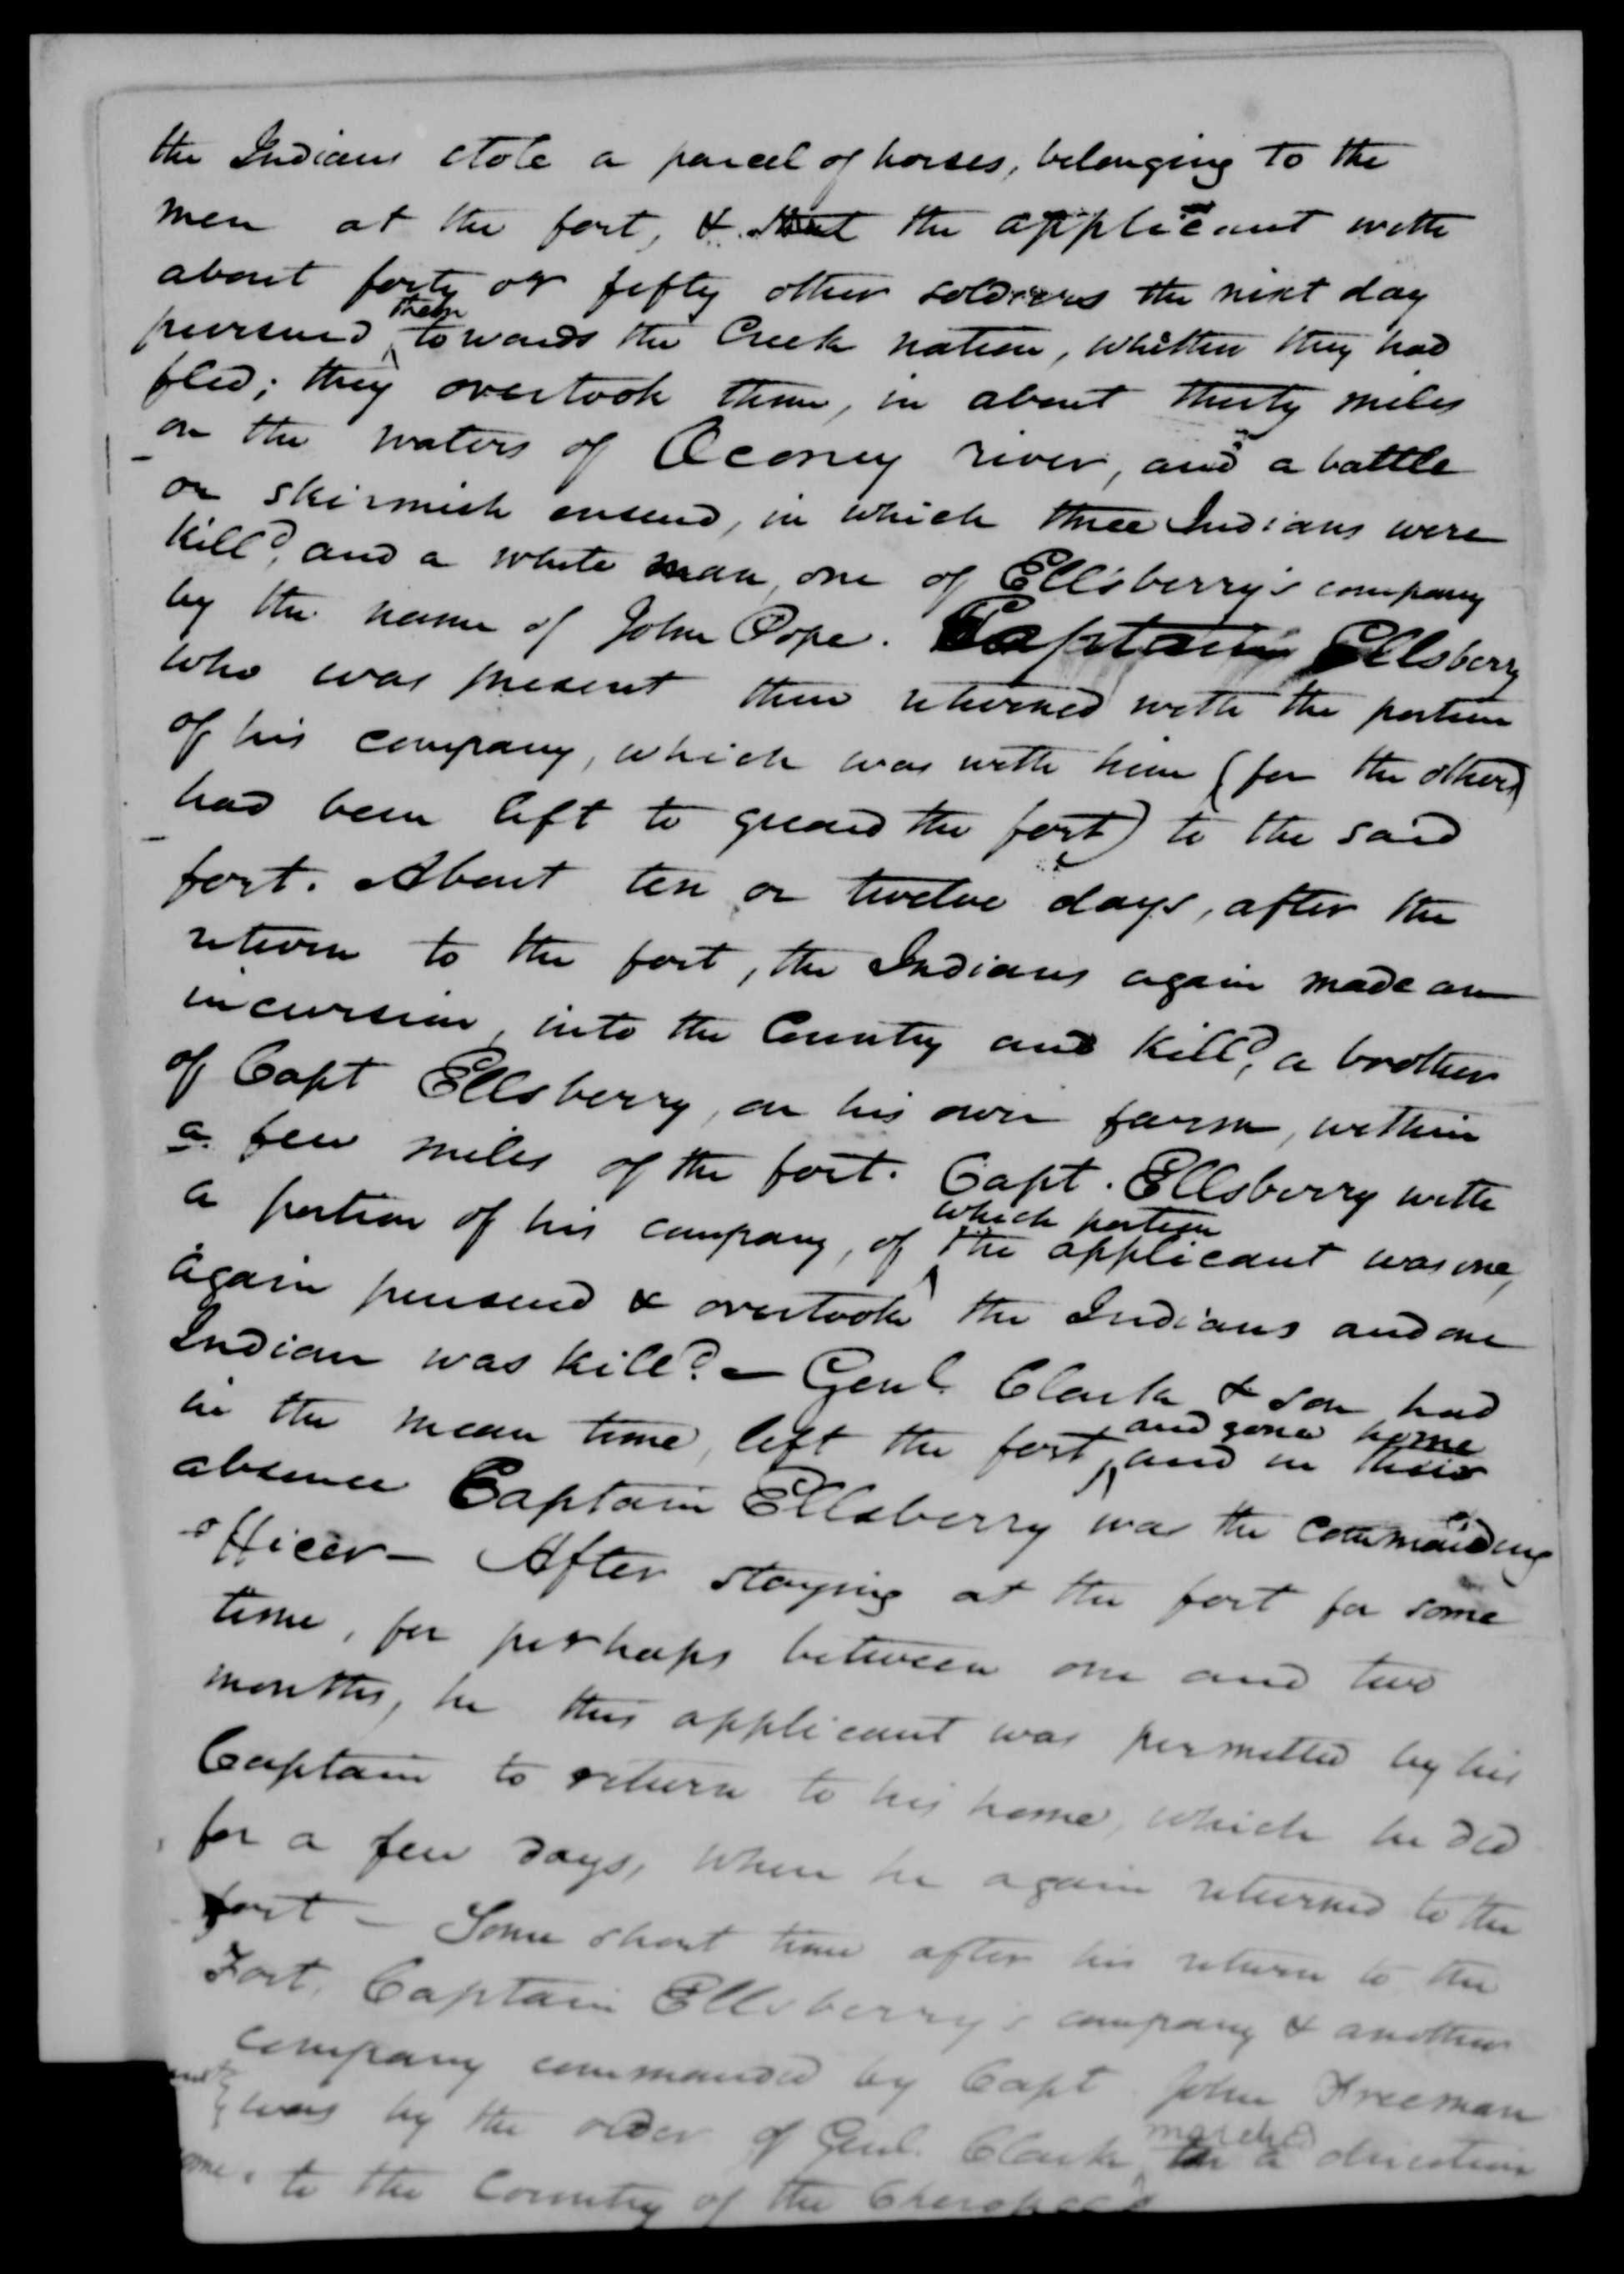the Indians stole a parcel of horses, belonging to the men at the fort & that the applicant with
about forty or fifty other solders the next day
pursued them towards the Creek nation, whither they had fled; they overtook them, in about thirty miles on the waters of Oconey [Oconee] River, and a battle or skirmish ensued, in which three Indians were Killd and a white man, one of Ellsberry's company by the name of John Pope. Captain Ellsberry who was present then returned with the portion of his company, which was with him (for the others
had been left to guard the fort) to the said fort. About ten or twelve days, after the return to the fort, the Indians again made an incursion into the County and killd a brother of Capt Ellsberry, on his own farm, within a few miles of the fort. Capt. Ellsberry with a portion of his company, of which portion the applicant was one again pursued & overtook the Indians and one Indian was killd Genl Clark & Son had in the mean time, left the fort and gone home and in their absence Captain Ellsberry was the commanding officer - After staying at the fort for some time, for perhaps between one and two months, he this applicant was permitted by his Captain to return to his home, which he did for a few days, when he again returned to the fort. Some short time after his return to the
Fort Captain Ellsberry & Company & another
company commanded by Capt John Freeman
was by the order of Genl Clark, marched in a direction to the Country of the Cherokees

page: 7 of 53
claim: widow's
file: W. 6,267, for John Thurman, Georgia